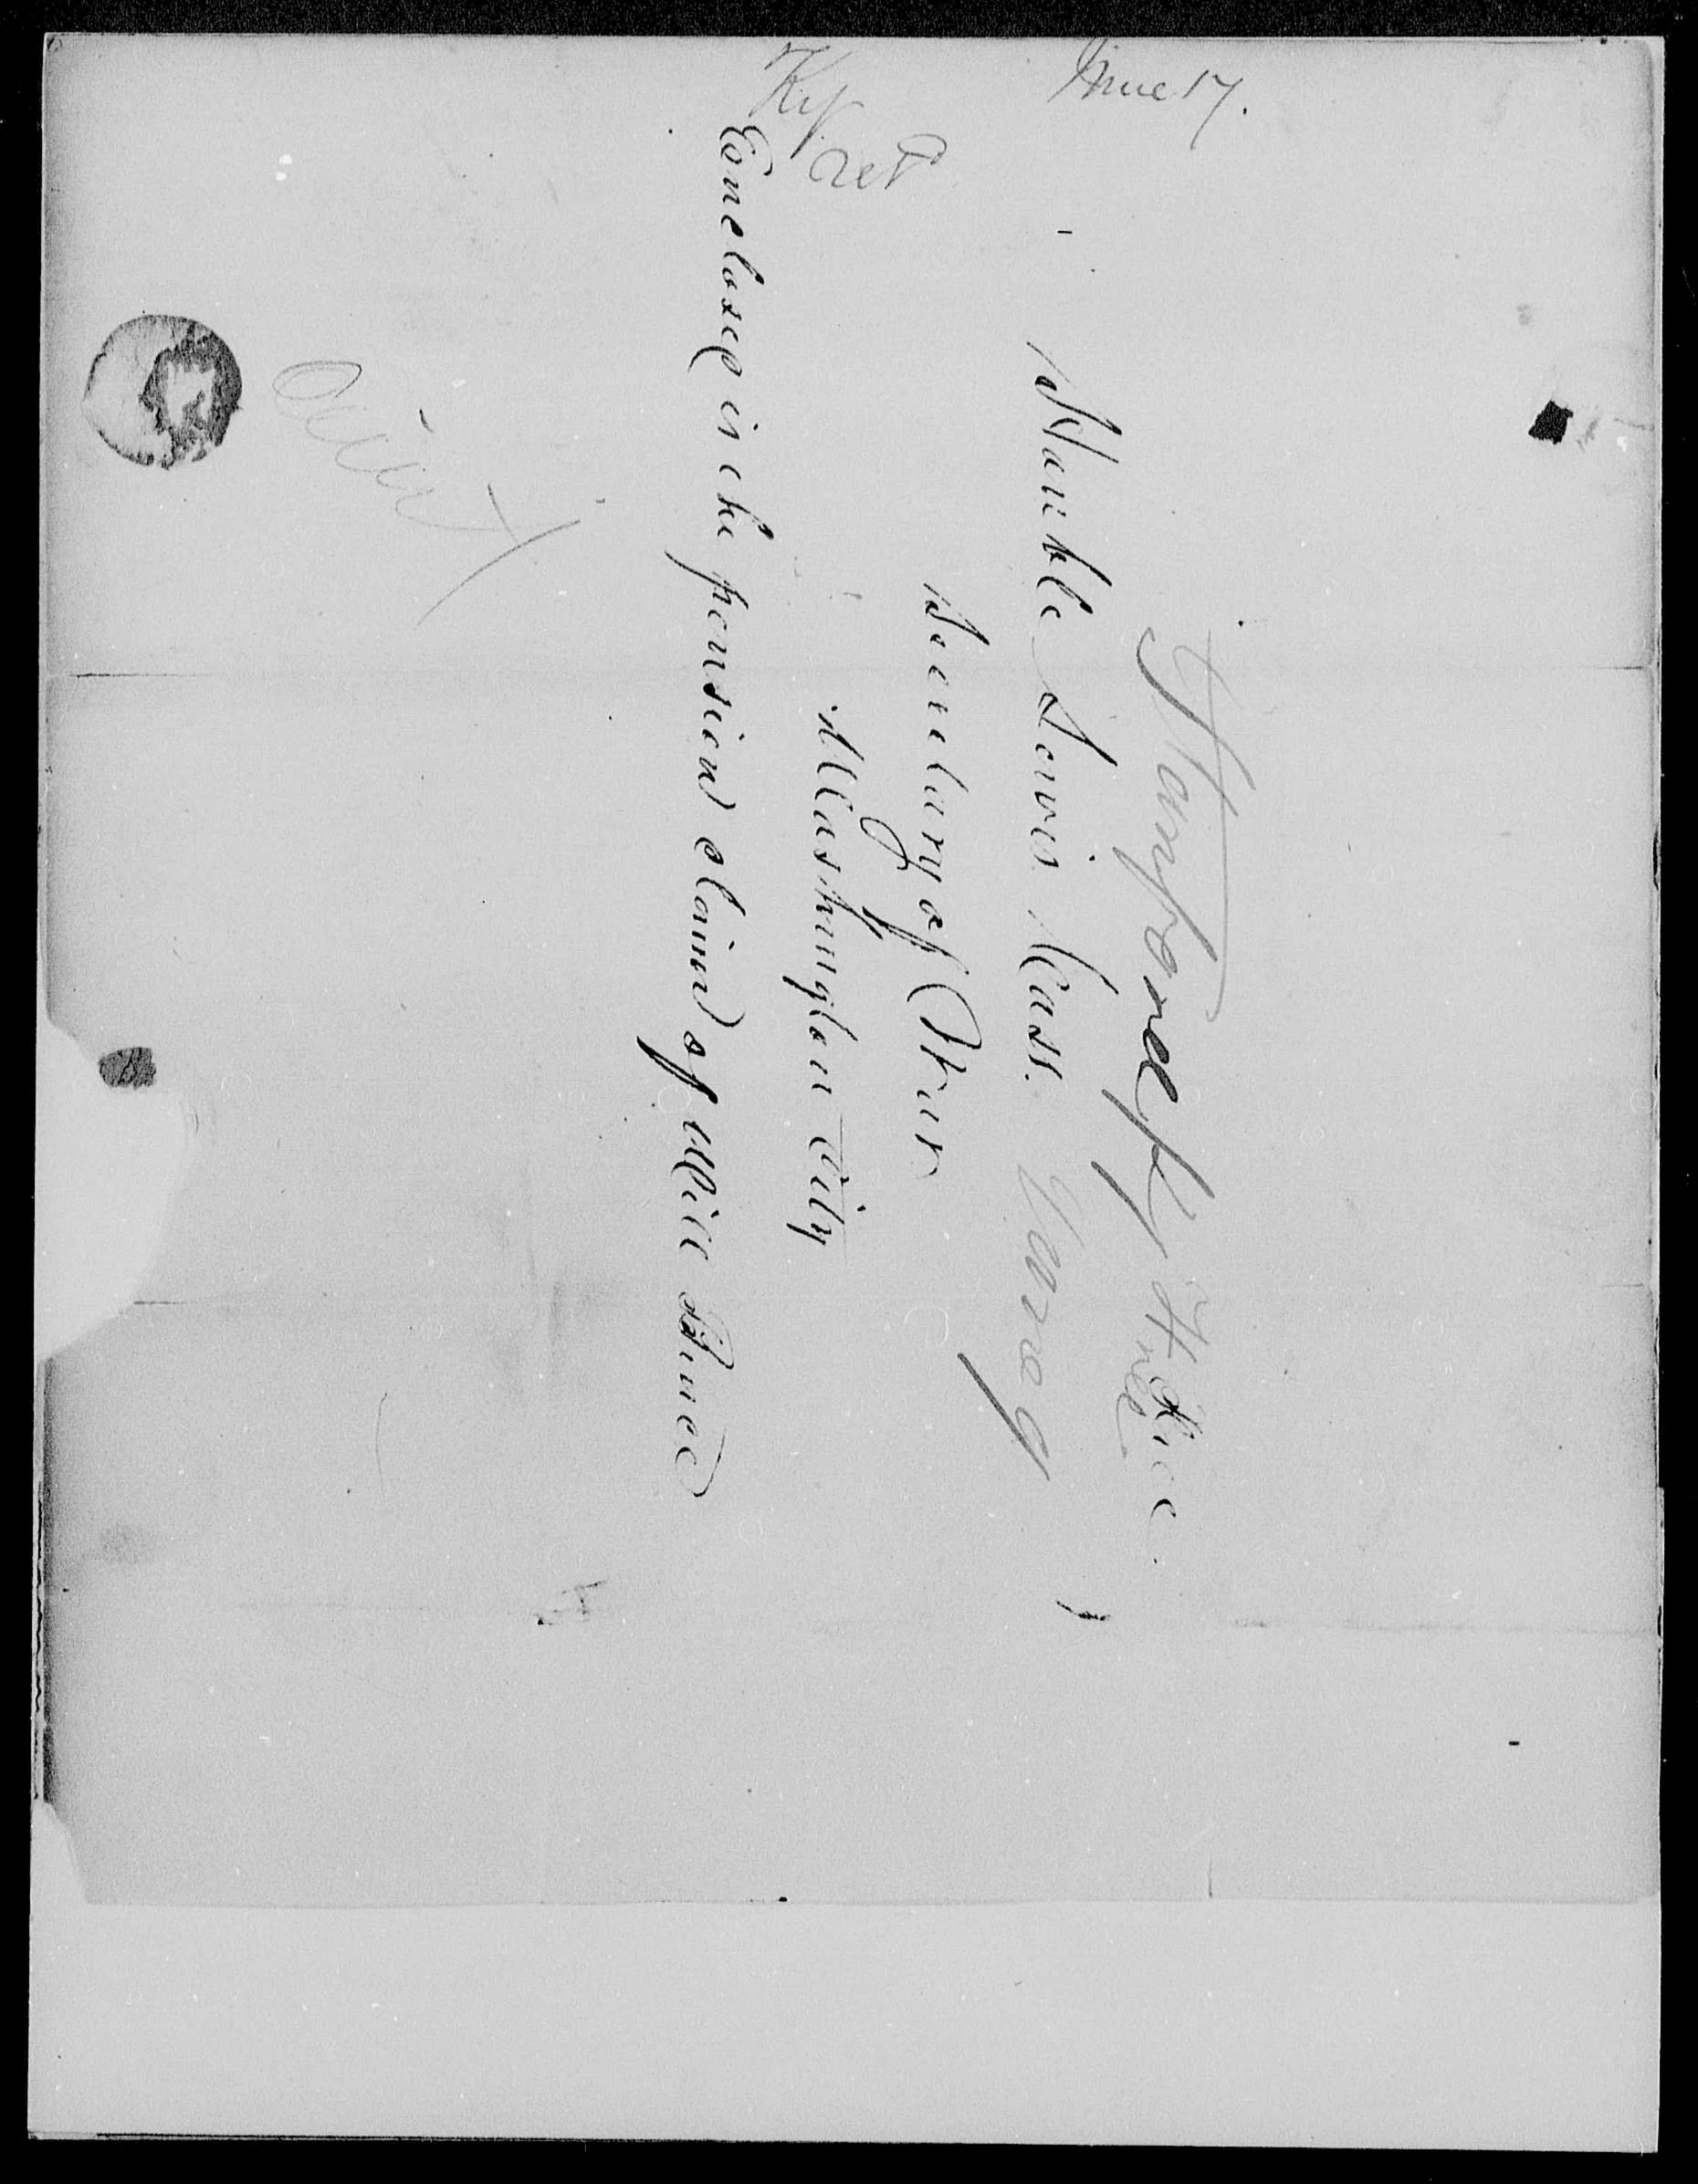Ky Act June 17
Towit

[written sideways] Stanford Ky Free
Honble [Honorable] Lewis Cass
Secretary of War
Washington City

Enclosed is the pension claim of Will Bruce
Towit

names: Will Bruce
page: 22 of 54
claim: survivor's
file: S. 30287, William Bruce, N.C.